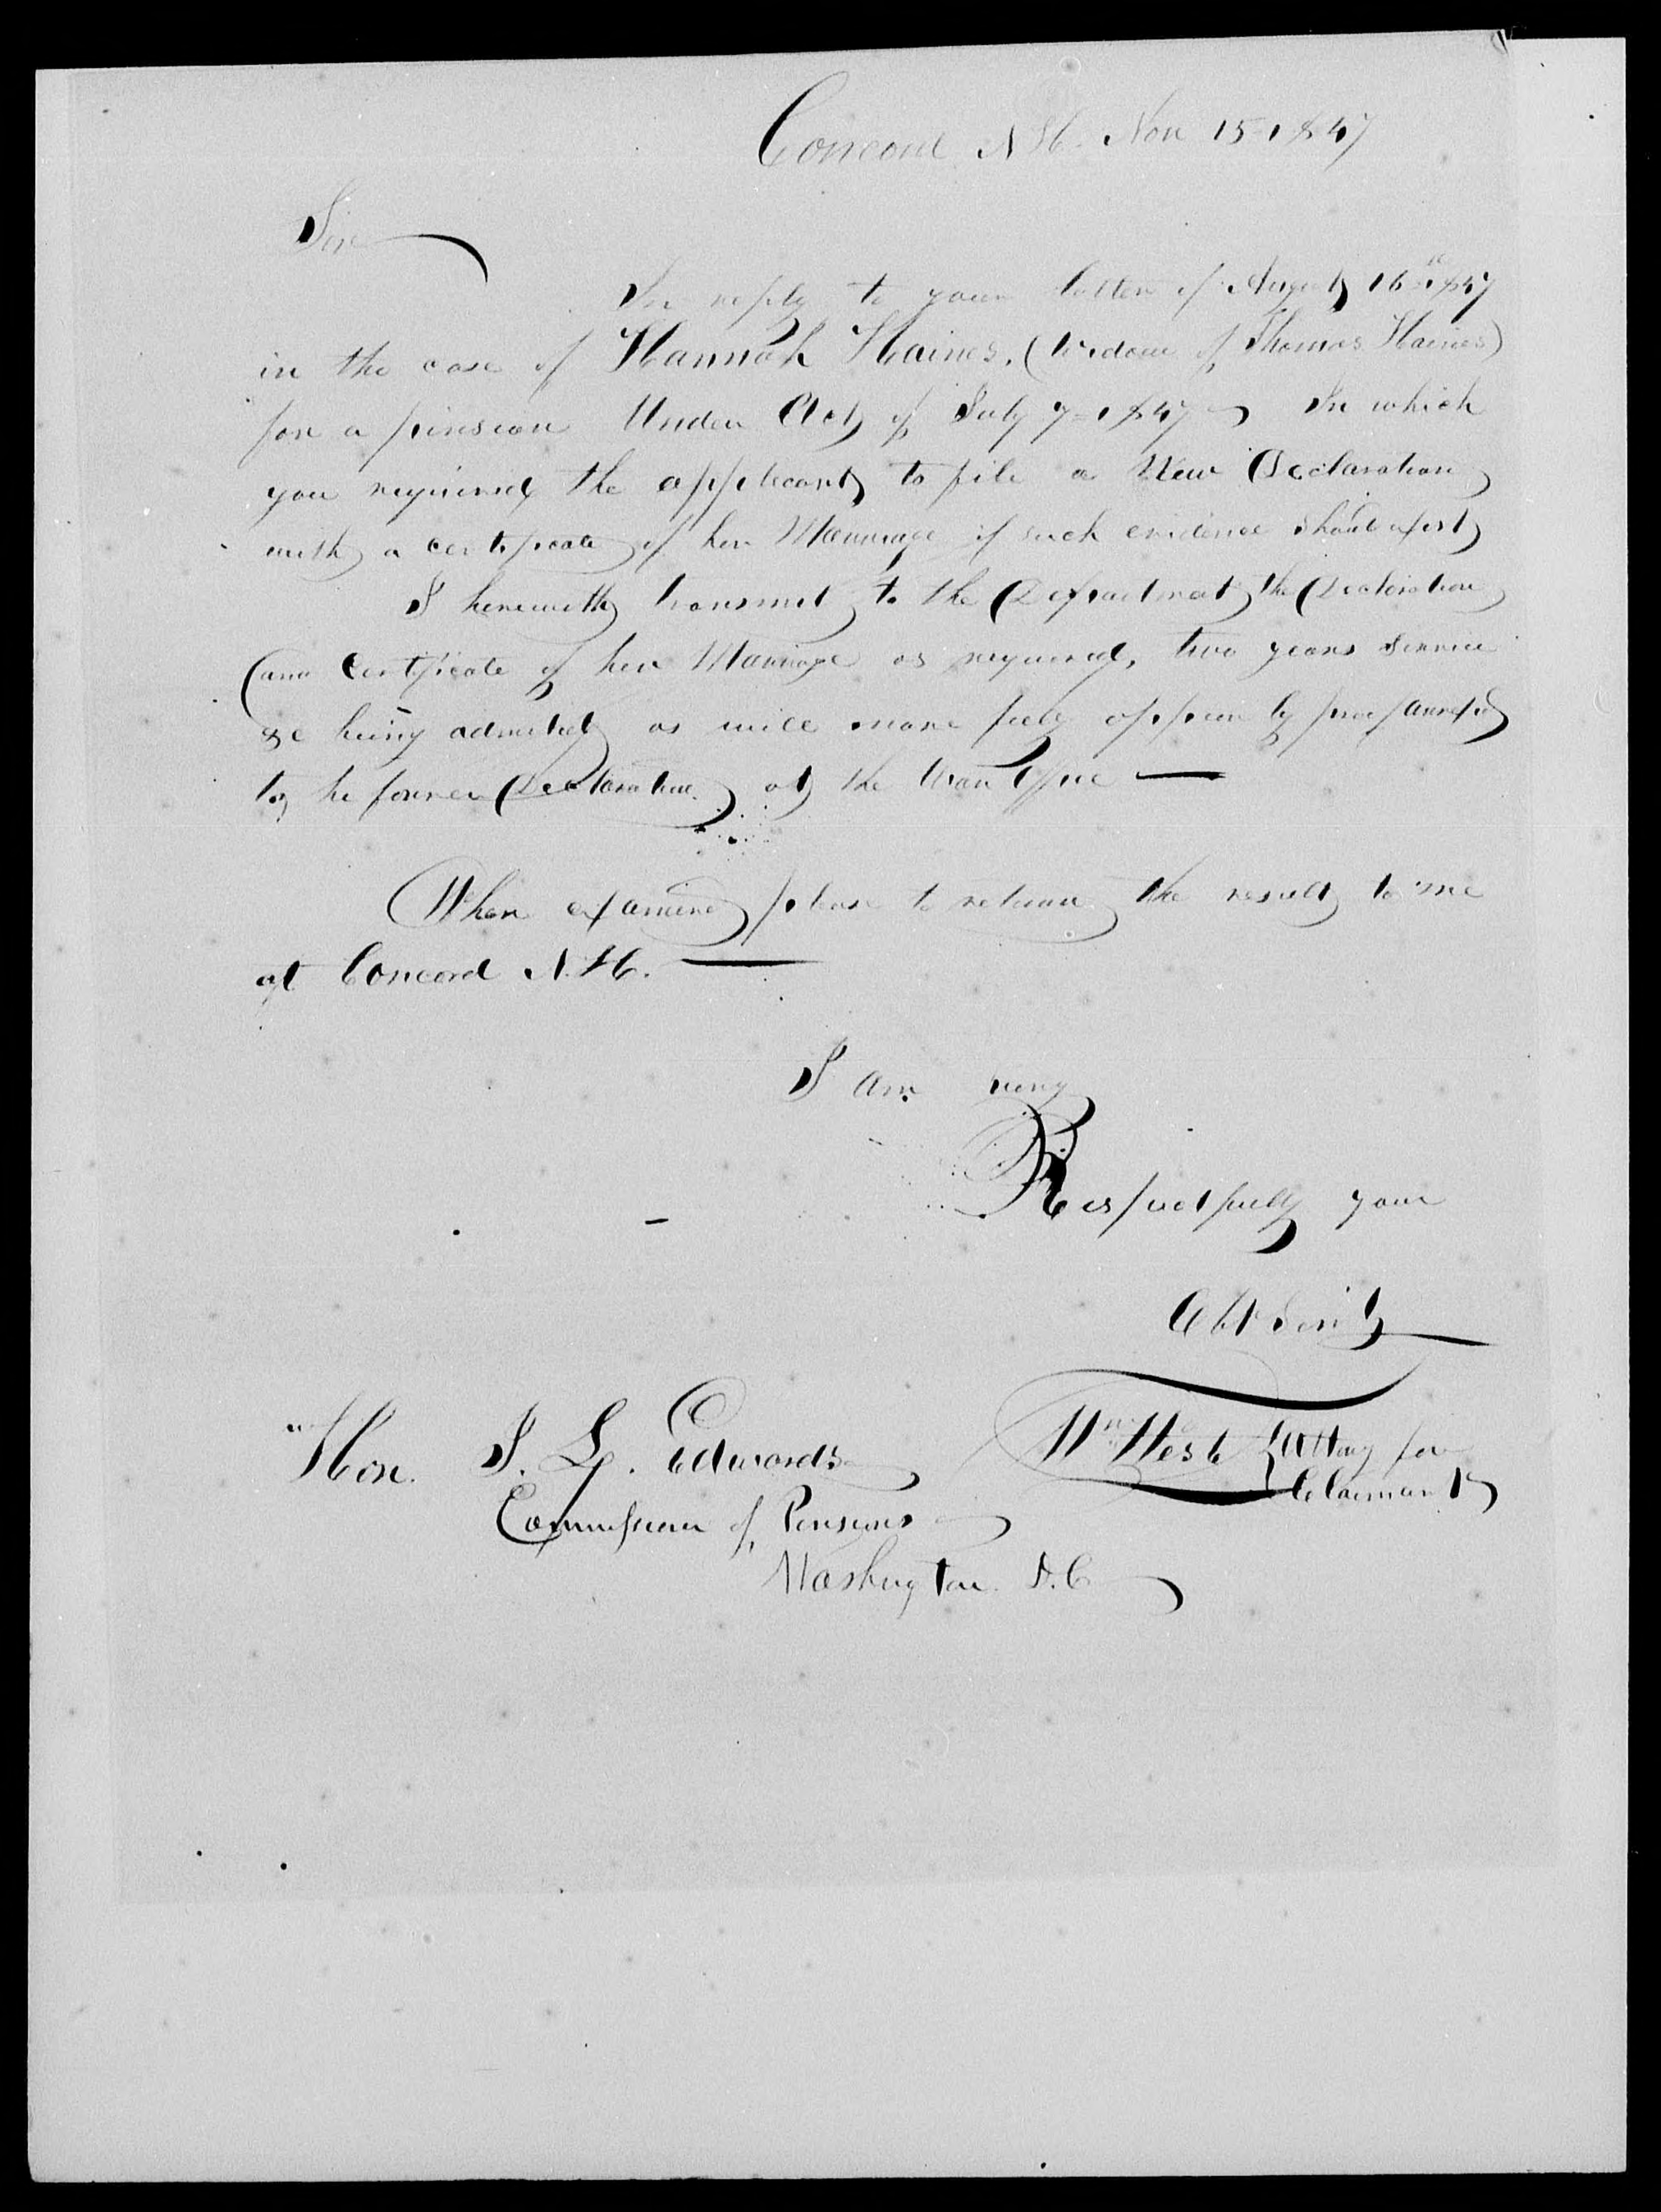Concord NH Nov 15 1847

Sir

In reply to your letter of August 16th 1847 in the case of Hannah Haines (widow of Thomas Haines) for a pension Under Act of July 7 1847 in which you required the applicant to file a New Declaration with a certificate of her Marriage if such evidence should exist,

I herewith transmit to the Department the Declaration and Certificate of her Marriage as required, two years service  &c being admitted as will more fully of ? Proof annexed to the former Declaration at the ? Office—

When examined to bear to return the result to me at Concord NH—

I am very 
Respectfully your
Obt ?
Mr. Hesle {Attny for Claimant

Hon. J. S. Edwards
Commissioner of Pensions
Washington D. C.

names: J L Edwards, Wm West, Hannah Haines, Thomas Haines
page: 28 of 57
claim: widow's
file: W. 23217, Thomas Haines, N H